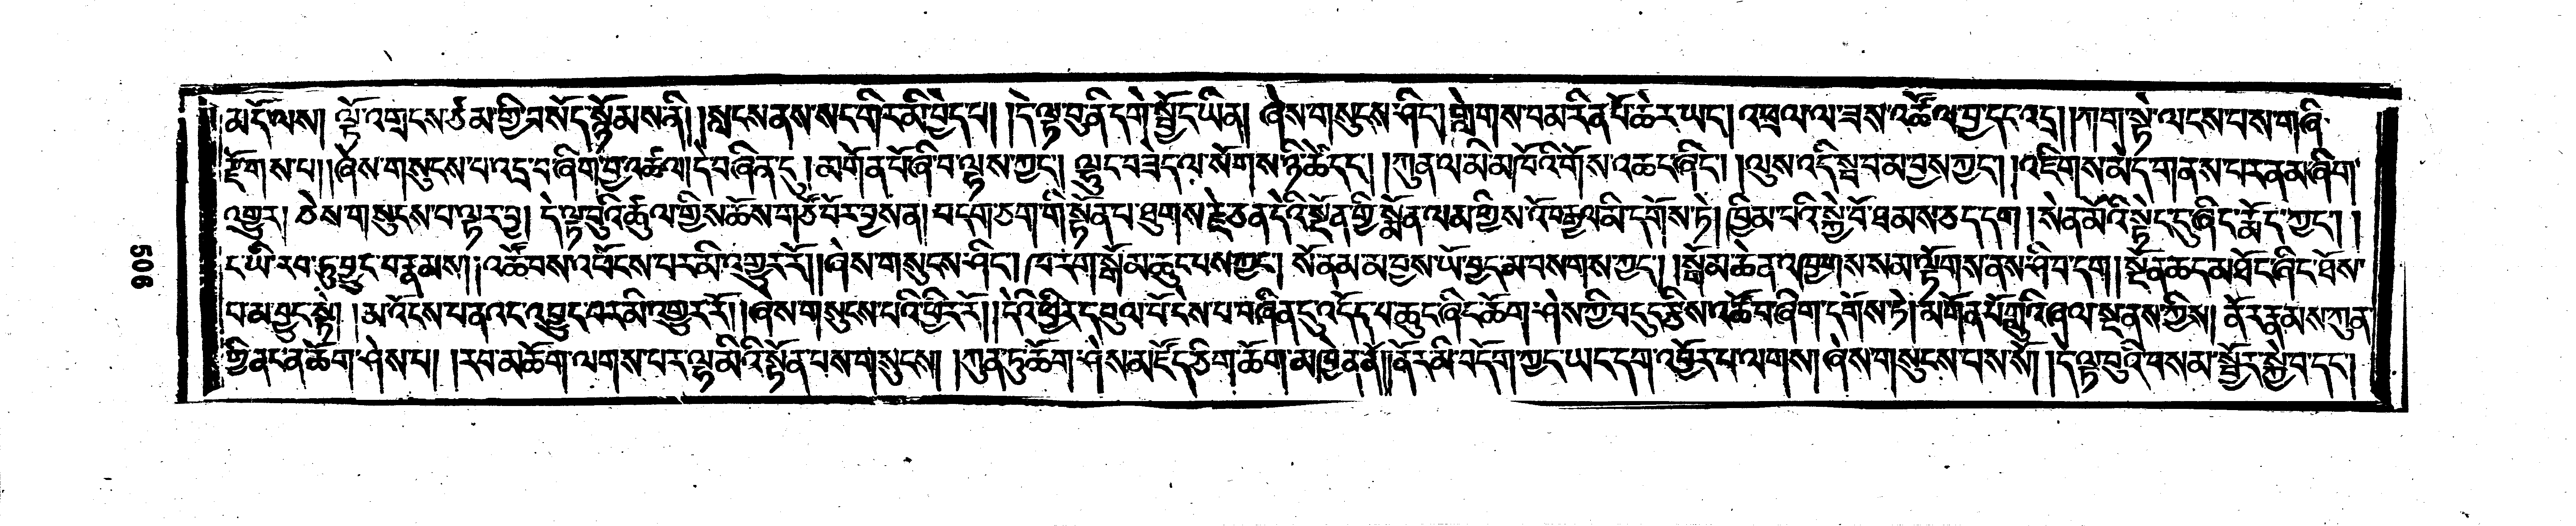མདོ་ལས། །ལྟོ་འགྲངས་ཙམ་གྱི་བསོད་སྙོམས་ནི། །སླངས་ནས་སང་གིར་མི་བྱེད་པ། །དེ་ལྟ་བུ་ནི་དགེ་སྦྱོང་ཡིན། ཞེས་གསུངས་ཤིང་། གླེགས་བམ་རིན་པོ་ཆེར་ཡང་། འཕྲལ་ལ་ཟས་འཚོལ་བྱ་དང་འདྲ། །ཀག་སྟེ་ལངས་པས་གཞི་
རྫོགས་པ། །ཞེས་གསུངས་པ་འདྲ་བ་ཞིག་བྱ་འཚལ། དེ་བཞིན་དུ། མགོན་པོ་ཞི་བ་ལྷས་ཀྱང་། ལྷུང་བཟེད་ལ་སོགས་ཉི་ཚེ་དང་། །ཀུན་ལ་མི་མཁོའི་གོས་འཆང་ཞིང་། །ལུས་འདི་སྦ་བ་མ་བྱས་ཀྱང་། །འཇིགས་མེད་གནས་པར་ནམ་ཞིག་
འགྱུར། །ཅེས་གསུངས་པ་ལྟར་བྱ། དེ་ལྟ་བུའི་ཚུལ་གྱིས་ཆོས་གཙོ་བོར་བྱས་ན། བདག་ཅག་གི་སྟོན་པ་ཐུགས་རྗེ་ཅན་དེའི་སྔོན་གྱི་སྨོན་ལམ་གྱིས་འོ་བརྒྱལ་མི་དགོས་ཏེ། ཁྱིམ་པའི་སྐྱེ་བོ་ཐམས་ཅད་དག །སེན་མོའི་སྟེང་དུ་ཞིང་རྨོད་ཀྱང་། །
ང་ཡི་རབ་ཏུ་བྱུང་བ་རྣམས། །འཚོ་བས་འཕོངས་པར་མི་འགྱུར་རོ། །ཞེས་གསུངས་ཤིང་། ཁ་རག་སྒོམ་ཆུང་པས་ཀྱང་། སོ་ནམ་མ་བྱས་ཡོ་བྱད་མ་བསགས་ཀྱང་། །སྒོམ་ཆེན་འཁྱགས་སམ་ལྟོགས་ནས་ཤི་བ་དག །སྔོན་ཆད་མཐོང་ཞིང་ཐོས་
པ་མ་བྱུང་སྟེ། །མ་འོངས་པ་ནའང་འབྱུང་བར་མི་འགྱུར་རོ། །ཞེས་གསུངས་པའི་ཕྱིར་རོ། །དེའི་ཕྱིར་དབུལ་པོ་ངེས་པ་བཞིན་དུ་འདོད་པ་ཆུང་ཞིང་ཆོག་ཤེས་ཀྱི་བདུད་རྩིས་འཚོ་བ་ཞིག་དགོས་ཏེ། མགོན་པོ་ཀླུའི་ཞལ་སྔ་ནས་ཀྱིས། ནོར་རྣམས་ཀུན་
གྱི་ནང་ན་ཆོག་ཤེས་པ། །རབ་མཆོག་ལགས་པར་ལྷ་མིའི་སྟོན་པས་གསུངས། །ཀུན་ཏུ་ཆོག་ཤེས་མཛོད་ཅིག་ཆོག་མཁྱེན་ན། །ནོར་མི་བདོག་ཀྱང་ཡང་དག་འབྱོར་བ་ལགས། །ཞེས་གསུངས་པས་སོ། །དེ་ལྟ་བུའི་བསམ་སྦྱོར་སྐྱེ་བ་དང་།